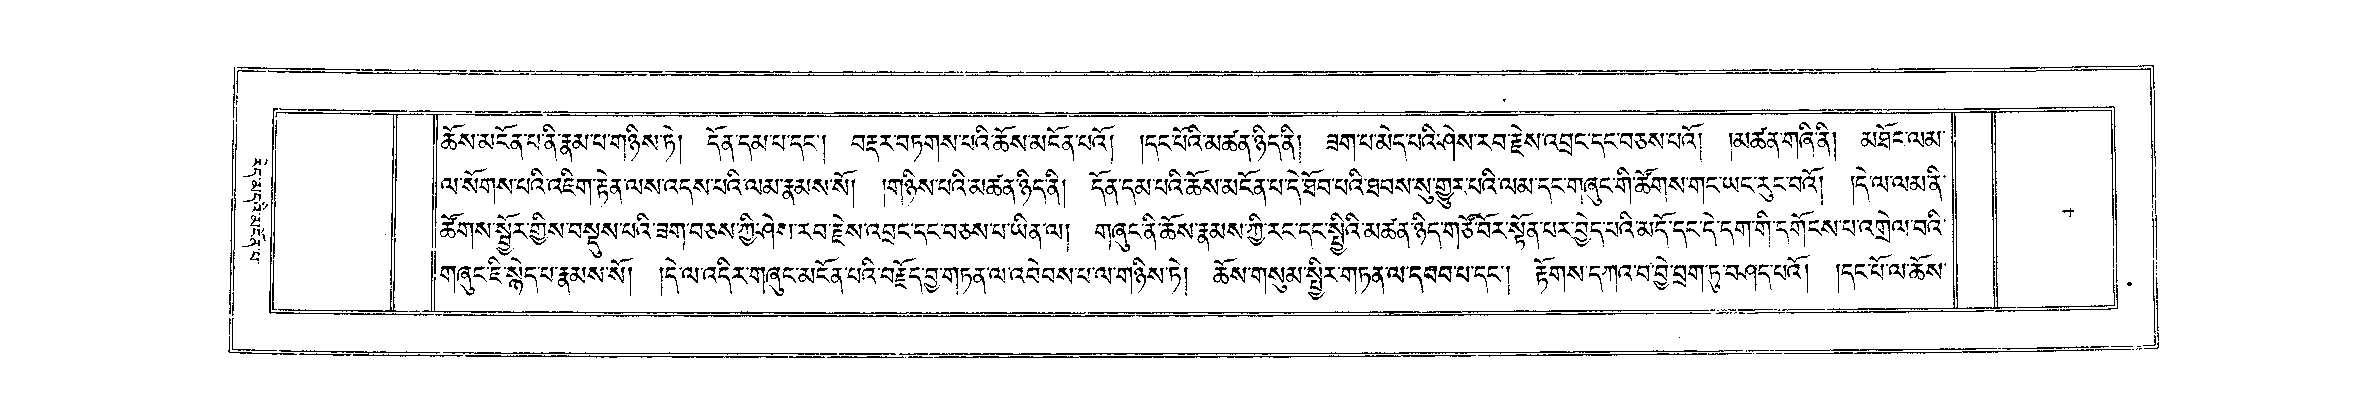ཆོས་མངོན་པ་ནི་རྣམ་པ་གཉིས་ཏེ། དོན་དམ་པ་དང་། བརྡར་བཏགས་པའི་ཆོས་མངོན་པའོ། །དང་པོའི་མཚན་ཉིད་ནི། ཟག་པ་མེད་པའི་ཤེས་རབ་རྗེས་འབྲང་དང་བཅས་པའོ། །མཚན་གཞི་ནི། མཐོང་ལམ་
ལ་སོགས་པའི་འཇིག་རྟེན་ལས་འདས་པའི་ལམ་རྣམས་སོ། །གཉིས་པའི་མཚན་ཉིད་ནི། དོན་དམ་པའི་ཆོས་མངོན་པ་དེ་ཐོབ་པའི་ཐབས་སུ་གྱུར་པའི་ལམ་དང་གཞུང་གི་ཚོགས་གང་ཡང་རུང་བའོ། །དེ་ལ་ལམ་ནི་
ཚོགས་སྦྱོར་གྱིས་བསྡུས་པའི་ཟག་བཅས་ཀྱི་ཤེས་རབ་རྗེས་འབྲང་དང་བཅས་པ་ཡིན་ལ། གཞུང་ནི་ཆོས་རྣམས་ཀྱི་རང་དང་སྤྱིའི་མཚན་ཉིད་གཙོ་བོར་སྟོན་པར་བྱེད་པའི་མདོ་དང་དེ་དག་གི་དགོངས་པ་འགྲེལ་བའི་
གཞུང་ཇི་སྙེད་པ་རྣམས་སོ། །དེ་ལ་འདིར་གཞུང་མངོན་པའི་བརྗོད་བྱ་གཏན་ལ་འབེབས་པ་ལ་གཉིས་ཏེ། ཆོས་གསུམ་སྤྱིར་གཏན་ལ་དབབ་པ་དང་། རྟོགས་དཀའ་བ་བྱེ་བྲག་ཏུ་བཤད་པའོ། །དང་པོ་ལ་ཆོས་